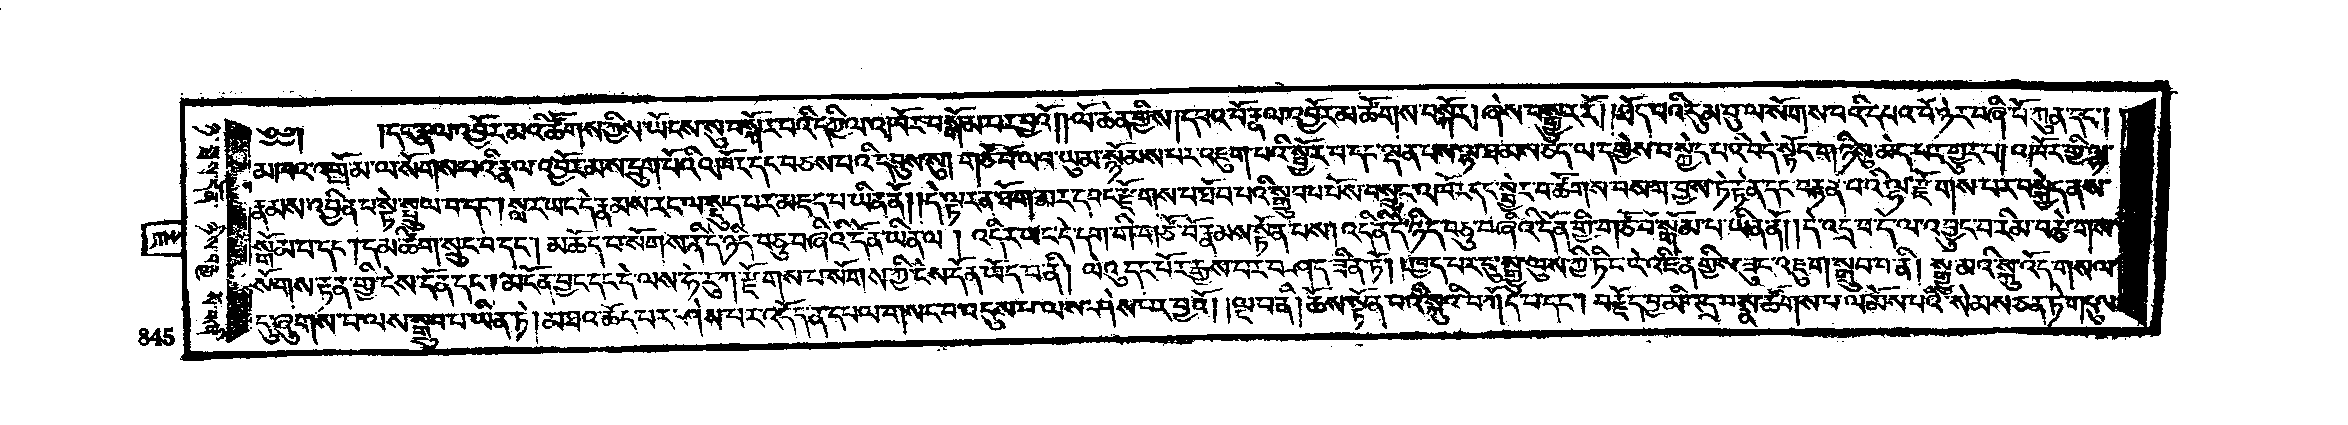༄༅། །དང་རྣལ་འབྱོར་མའི་ཚོགས་ཀྱིས་ཡོངས་སུ་བསྐོར་བའི་དཀྱིལ་འཁོར་བསྒོམ་པར་བྱའོ། །ལོ་ཆེན་གྱིས། དཔའ་བོ་རྣལ་འབྱོར་མ་ཚོགས་བསྐོར། ཞེས་བསྒྱུར་རོ། །ཐོད་པའི་དུམ་བུ་ལ་སོགས་པའི་དཔའ་བོ་ཉེར་བཞི་པོ་ཀུན་དང༑
མཁའ་འགྲོ་མ་ལ་སོགས་པའི་རྣལ་འབྱོར་མ་ས་དྲུག་པོའི་འཁོར་དང་བཅས་པའི་དབུས་སུ། གཙོ་བོ་ཡབ་ཡུམ་སྙོམས་པར་འཇུག་པའི་སྦྱོར་བ་དང་ལྡན་པས་ལྷ་ཐམས་ཅད་ལ་དགྱེས་པ་སྐྱེད་པའི་བདེ་སྟོང་གཉིས་སུ་མེད་པར་གྱུར་པ། འཁོར་གྱི་ལྷ་
རྣམས་འབྱིན་པ་སྟེ་སྤྲུལ་བ་དང་། སླར་ཡང་དེ་རྣམས་རང་ལ་སྡུད་པར་མཛད་པ་ཡིན་ནོ། །དེ་ལྟར་ན་ཐོག་མར་དབང་རྫོགས་པ་ཐོབ་པའི་སྒྲུབ་པ་པོས་བསྲུང་འཁོར་དང་སྦྱོར་བ་ཚོགས་བསག་བྱས་ཏེ་རྟེན་དང་བརྟེན་པའི་ལྷ་རྫོགས་པར་བསྐྱེད་ནས་
སྒོམ་པ་དང་། དམ་ཚིག་སྲུང་བ་དང་། མཆོད་པ་སོགས་ནི་དེ་ཉིད་བཅུ་བཞིའི་དོན་ཡིན་ལ། འདིར་ཡང་དེ་དག་གི་གཙོ་བོ་རྣམས་སྟོན་པས། འདི་ནི་དེ་ཉིད་བཅུ་བཞིའི་དོན་གྱི་གཙོ་བོ་སྒོམ་པ་ཡིན་ནོ། །དེ་འདྲ་བ་དེ་ལ་འབྱུང་བ་རིམ་བརྩེགས་
སོགས་རྟན་གྱི་ངེས་དོན་དང་། མངོན་བྱང་དང་དེ་ལས་ཧེ་རུ་ཀ་རྫོགས་པ་སོགས་ཀྱི་ངེས་དོན་ཡོད་པ་ནི། ལེའུ་དང་པོར་རྒྱས་པར་བཤད་ཟིན་ཏོ། །ཁྱད་པར་དུ་སྒྱུ་ལུས་ཀྱི་ཏིང་ངེ་འཛིན་གྱིས་ཟུང་འཇུག་སྒྲུབ་པ་ནི། སྒྱུ་མའི་སྐུ་འོད་གསལ་
དུ་ཞུགས་པ་ལས་སྒྲུབ་པ་ཡིན་ཏེ། མཐའ་ཆོད་པར་ཤེས་པར་འདོད་ན་དཔལ་གསང་བ་འདུས་པ་ལས་ཤེས་པར་བྱའོ། །ལྔ་པ་ནི། ཆོས་སྟོན་པའི་སྐུའི་བཀོད་པ་དང་། བརྗོད་བྱ་མི་འདྲ་བ་སྣ་ཚོགས་པ་ལ་མོས་པའི་སེམས་ཅན་ཏེ་གདུལ་